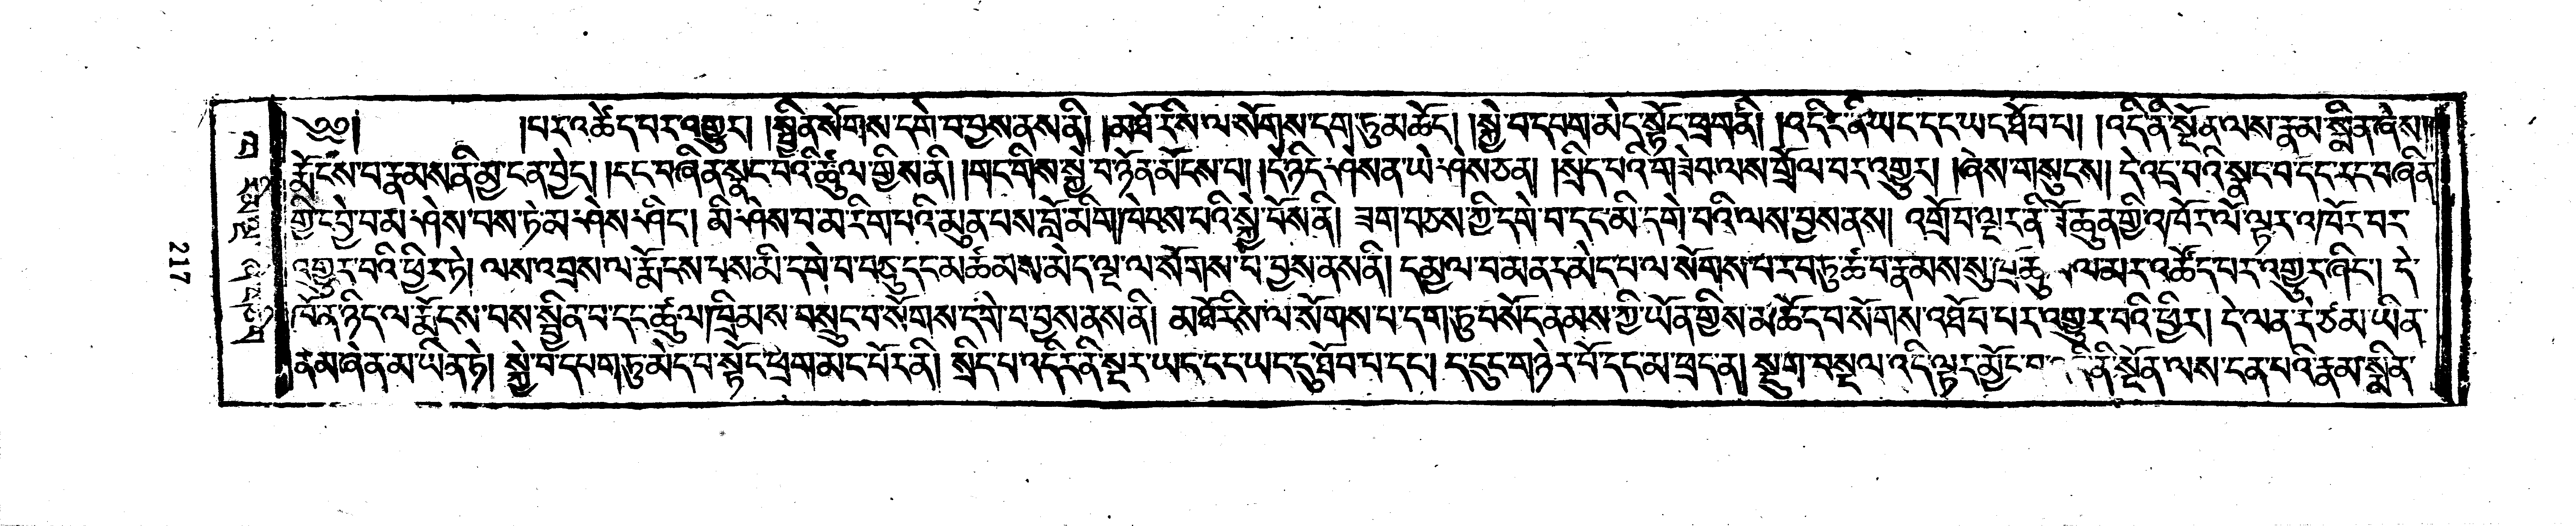༄༅། །པར་འཚེད་པར་འགྱུར། །སྦྱིན་སོགས་དགེ་བ་བྱས་ནས་ནི། །མཐོ་རིས་ལ་སོགས་དག་ཏུ་མཆོད། །སྐྱེ་བ་དཔག་མེད་སྟོང་ཕྲག་ནི། །འདིར་ནི་ཡང་དང་ཡང་ཐོབ་པ། །འདི་ནི་སྔོན་ལས་རྣམ་སྨིན་ཞེས།
རྨོངས་པ་རྣམས་ནི་མྱ་ངན་བྱེད། །རང་བཞིན་སྣང་བའི་ཚུལ་གྱིས་ནི། །གང་གིས་སྐྱེ་བ་ཉོན་མོངས་པ། །དེ་ཉིད་ཤེས་ན་ཡེ་ཤེས་ཅན། །སྲིད་པའི་གཟེབ་ལས་གྲོལ་བར་འགྱུར། །ཞེས་གསུངས། དེ་འདྲ་བའི་སྣང་བ་དང་རང་བཞིན་
གྱི་དབྱེ་བ་མ་ཤེས་པས་ཏེ་མ་ཤེས་ཤིང་། མི་ཤེས་པ་མ་རིག་པའི་མུན་པས་བློ་མིག་ཁེངས་པའི་སྐྱེ་བོས་ནི། ཟག་བཅས་ཀྱི་དགེ་བ་དང་མི་དགེ་བའི་ལས་བྱས་ནས། འགྲོ་བ་ལྔར་ནི་ཟོ་ཆུན་གྱི་འཁོར་ལོ་ལྟར་འཁོར་བར་
འགྱུར་བའི་ཕྱིར་ཏེ། ལས་འབྲས་ལ་རྨོངས་པས་མི་དགེ་བ་བཅུ་དང་མཚམས་མེད་ལྔ་ལ་སོགས་པ་བྱས་ནས་ནི། དམྱལ་བ་མནར་མེད་པ་ལ་སོགས་པ་རབ་ཏུ་ཚ་བ་རྣམས་སུ་ཁྲོ་ཆུ་ཁོལ་མར་འཚོད་པར་འགྱུར་ཞིང་། དེ་
ཁོ་ན་ཉིད་ལ་རྨོངས་པས་སྦྱིན་པ་དང་ཚུལ་ཁྲིམས་བསྲུང་པ་སོགས་དགེ་བ་བྱས་ནས་ནི། མཐོ་རིས་ལ་སོགས་པ་དག་ཏུ་བསོད་ནམས་ཀྱི་ཡོན་གྱིས་མཆོད་པ་སོགས་འཐོབ་པར་འགྱུར་བའི་ཕྱིར། དེ་ལན་རེ་ཙམ་ཡིན་
ནམ་ཞེ་ན་མ་ཡིན་ཏེ། སྐྱེ་བ་དཔག་ཏུ་མེད་པ་སྟོང་ཕྲག་མང་པོར་ནི། སྲིད་པ་འདིར་ནི་སྔར་ཡང་དང་ཡང་དུ་ཐོབ་པ་དང་། ད་དུང་གཉེར་པོ་དང་མ་ཕྲད་ན། སྡུག་བསྔལ་འདི་ལྟར་མྱོང་བ་འདི་ནི་སྔོན་ལས་ངན་པའི་རྣམ་སྨིན་